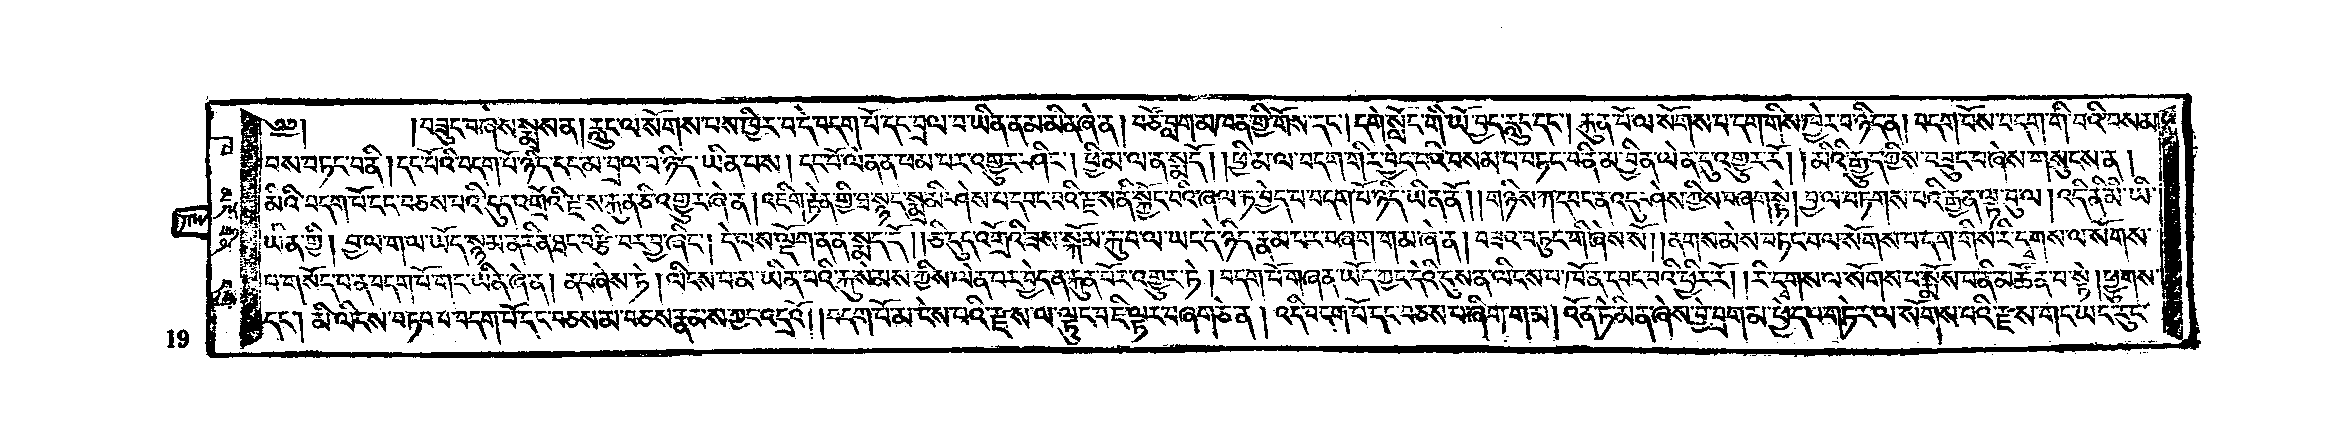༄༅། །བཟུང་བ་ཞེས་སྨྲས་ན། རླུང་ལ་སོགས་པས་ཁྱེར་བ་དེ་བདག་པོ་དང་བྲལ་བ་ཡིན་ནམ་མིན་ཞེ་ན། བཙོ་བླག་མཁན་གྱི་གོས་དང་། དགེ་སློང་གི་ཡོ་བྱད་རླུང་དང་། རྐུན་པོ་ལ་སོགས་པ་དག་གིས་ཁྱེར་བ་ཉིད་ན། བདག་པོས་བདག་གི་བའི་བསམ་
པས་བཏང་བ་ནི། དང་པོའི་བདག་པོ་ཉིད་དང་མ་བྲལ་བ་ཉིད་ཡིན་པས། དང་པོ་ལེན་ན་ཕམ་པར་འགྱུར་ཤིང་། ཕྱི་མ་ལ་ན་སྨད་དོ། །ཕྱི་མ་ལ་བདག་གིར་བྱེད་པའི་བསམ་པ་བཏང་བ་ནི་མ་བྱིན་ལེན་དུ་འགྱུར་རོ། །མིའི་རྒྱུད་ཀྱིས་བཟུང་བ་ཞེས་གསུངས་ན།
མིའི་བདག་པོ་དང་བཅས་པའི་དུད་འགྲོའི་རྫས་རྐུ་ན་ཅི་འགྱུར་ཞེ་ན། འཇིག་རྟེན་གྱི་ཐ་སྙད་སྨྲ་མི་ཤེས་པ་དབང་བའི་རྫས་ནི་སྐྱོང་བའི་ཞལ་ཏ་བྱེད་པ་བདག་པོ་ཉིད་ཡིན་ནོ། །གཉིས་ཀ་དབང་ན་འདུ་ཤེས་ཀྱིས་བཞག་སྟེ། བྱ་ལ་བཏགས་པའི་རྒྱན་ལྟ་བུ་ལ། འདི་ནི་མི་ཡི་
ཡིན་གྱི། བྱ་ལ་ག་ལ་ཡོད་སྙམ་ན་རིན་ཐང་བརྩི་བར་བྱ་ཞིང་། དེ་ལས་ལྡོག་ན་ན་སྨད་དོ། །ཅི་དུད་འགྲོའི་ཟས་སྐོམ་རྐུ་བ་ལ་ཡང་དེ་ཉིད་རྣམ་པར་བཞག་གམ་ཞེ་ན། བཟའ་བཏུང་གི་ཞེས་སོ། །ནགས་མེས་བཏང་བ་ལ་སོགས་པ་དག་གིས་རི་དྭགས་ལ་སོགས་
པ་གསོད་པ་ན་བདག་པོ་གང་ཡིན་ཞེ་ན། ནང་ཞེས་ཏེ། ལིངས་པ་མ་ཡིན་པའི་རྐུ་སེམས་ཀྱིས་ལེན་པར་བྱེད་ན་རྐུན་པོར་འགྱུར་ཏེ། བདག་པོ་གཞན་ཡོད་ཀྱང་དེའི་དུས་ན་ལིངས་པ་ཁོ་ན་དབང་བའི་ཕྱིར་རོ། །རི་དྭགས་ལ་སོགས་པ་སྨོས་པ་ནི་མཚོན་པ་སྟེ། ཕྱུགས་
དང་། མི་ལིངས་བཏབ་པ་བདག་པོ་དང་བཅས་མ་བཅས་རྣམས་ཀྱང་འདྲའོ། །བདག་པོ་མ་ངེས་པའི་རྫས་ལ་ལྟུང་བ་ཇི་ལྟར་བཞག་ཅེ་ན། འདི་བདག་པོ་དང་བཅས་པ་ཞིག་གམ། འོན་ཏེ་མིན་ཞེས་བྱེ་བྲག་མ་ཕྱེད་པ་གཏེར་ལ་སོགས་པའི་རྫས་གང་ཡང་རུང་